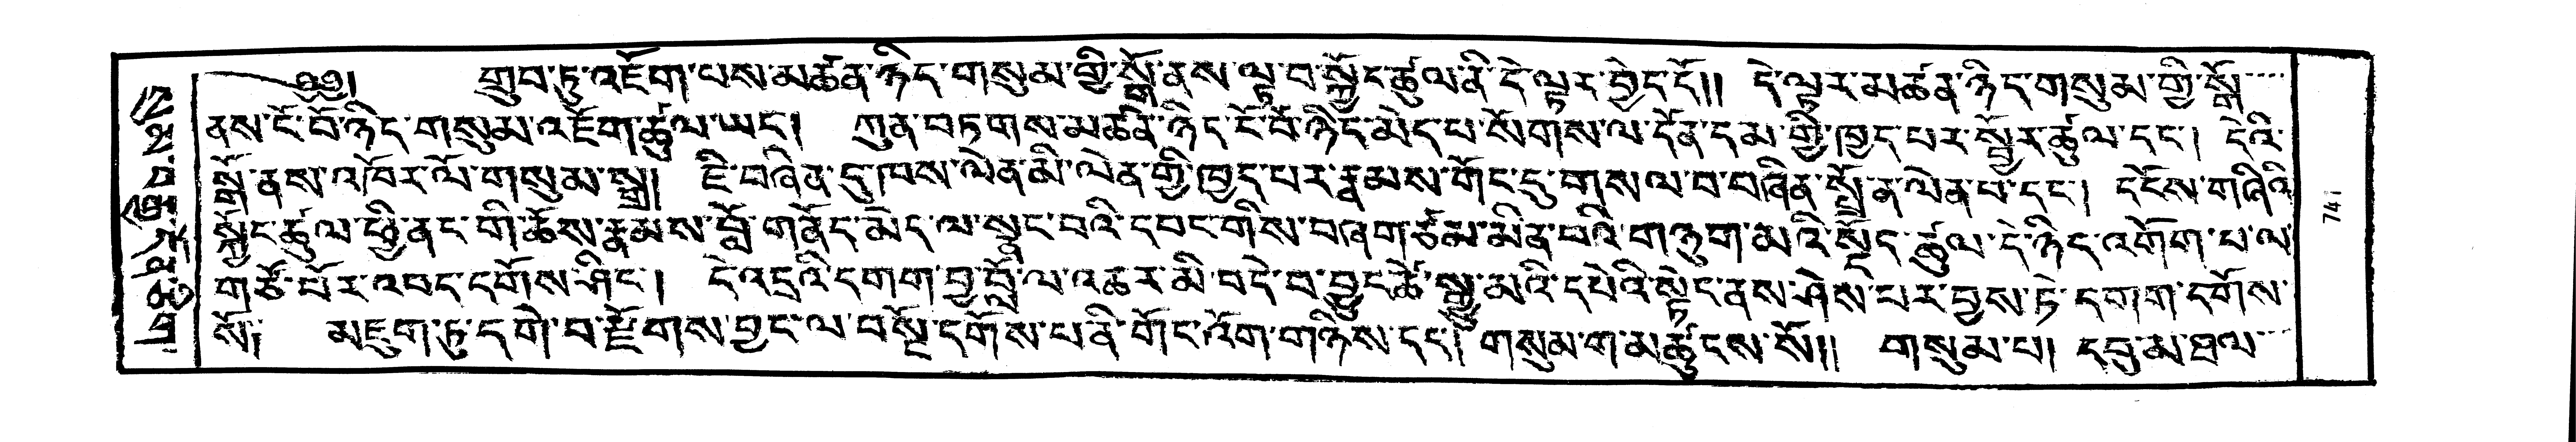༄༅། །གྲུབ་ཏུ་འཇོག་པས་མཚན་ཉིད་གསུམ་གྱི་སྒོ་ནས་ལྟ་བ་སྐྱོང་ཚུལ་ནི་དེ་ལྟར་བྱེད་དོ། །དེ་ལྟར་མཚན་ཉིད་གསུམ་གྱི་སྒོ་
ནས་ངོ་བོ་ཉིད་གསུམ་འཇོག་ཚུལ་ཡང་། ཀུན་བཏགས་མཚན་ཉིད་ངོ་བོ་ཉིད་མེད་པ་སོགས་ལ་དོན་དམ་གྱི་ཁྱད་པར་སྦྱོར་ཚུལ་དང་། དེའི་
སྒོ་ནས་འཁོར་ལོ་གསུམ་སྒྲ། ཇི་བཞིན་དུ་ཁས་ལེན་མི་ལེན་གྱི་ཁྱད་པར་རྣམས་གོང་དུ་གསལ་བ་བཞིན་སྤྲོ་ན་ལེན་པ་དང་། དངོས་གཞིའི་
སྐྱོང་ཚུལ་ཕྱི་ནང་གི་ཆོས་རྣམས་བློ་གནོད་མེད་ལ་སྣང་བའི་དབང་གིས་བཞག་ཙམ་མིན་པའི་གཉུག་མའི་སྡོད་ཚུལ་དེ་ཉིད་འགོག་པ་ལ་
གཙོ་བོར་འབད་དགོས་ཤིང་། དེ་འདྲའི་དགག་བྱ་བློ་ལ་འཆར་མི་བདེ་བ་བྱུང་ཚེ་སྒྱུ་མའི་དཔེའི་སྟེང་ནས་ཤེས་པར་བྱས་ཏེ་དགག་དགོས་
སོ༑ མཇུག་ཏུ་དགེ་བ་རྫོགས་བྱང་ལ་བསྔོ་དགོས་པ་ནི་གོང་འོག་གཉིས་དང་། གསུམ་ག་མཚུངས་སོ། །གསུམ་པ། དབུ་མ་ཐལ་